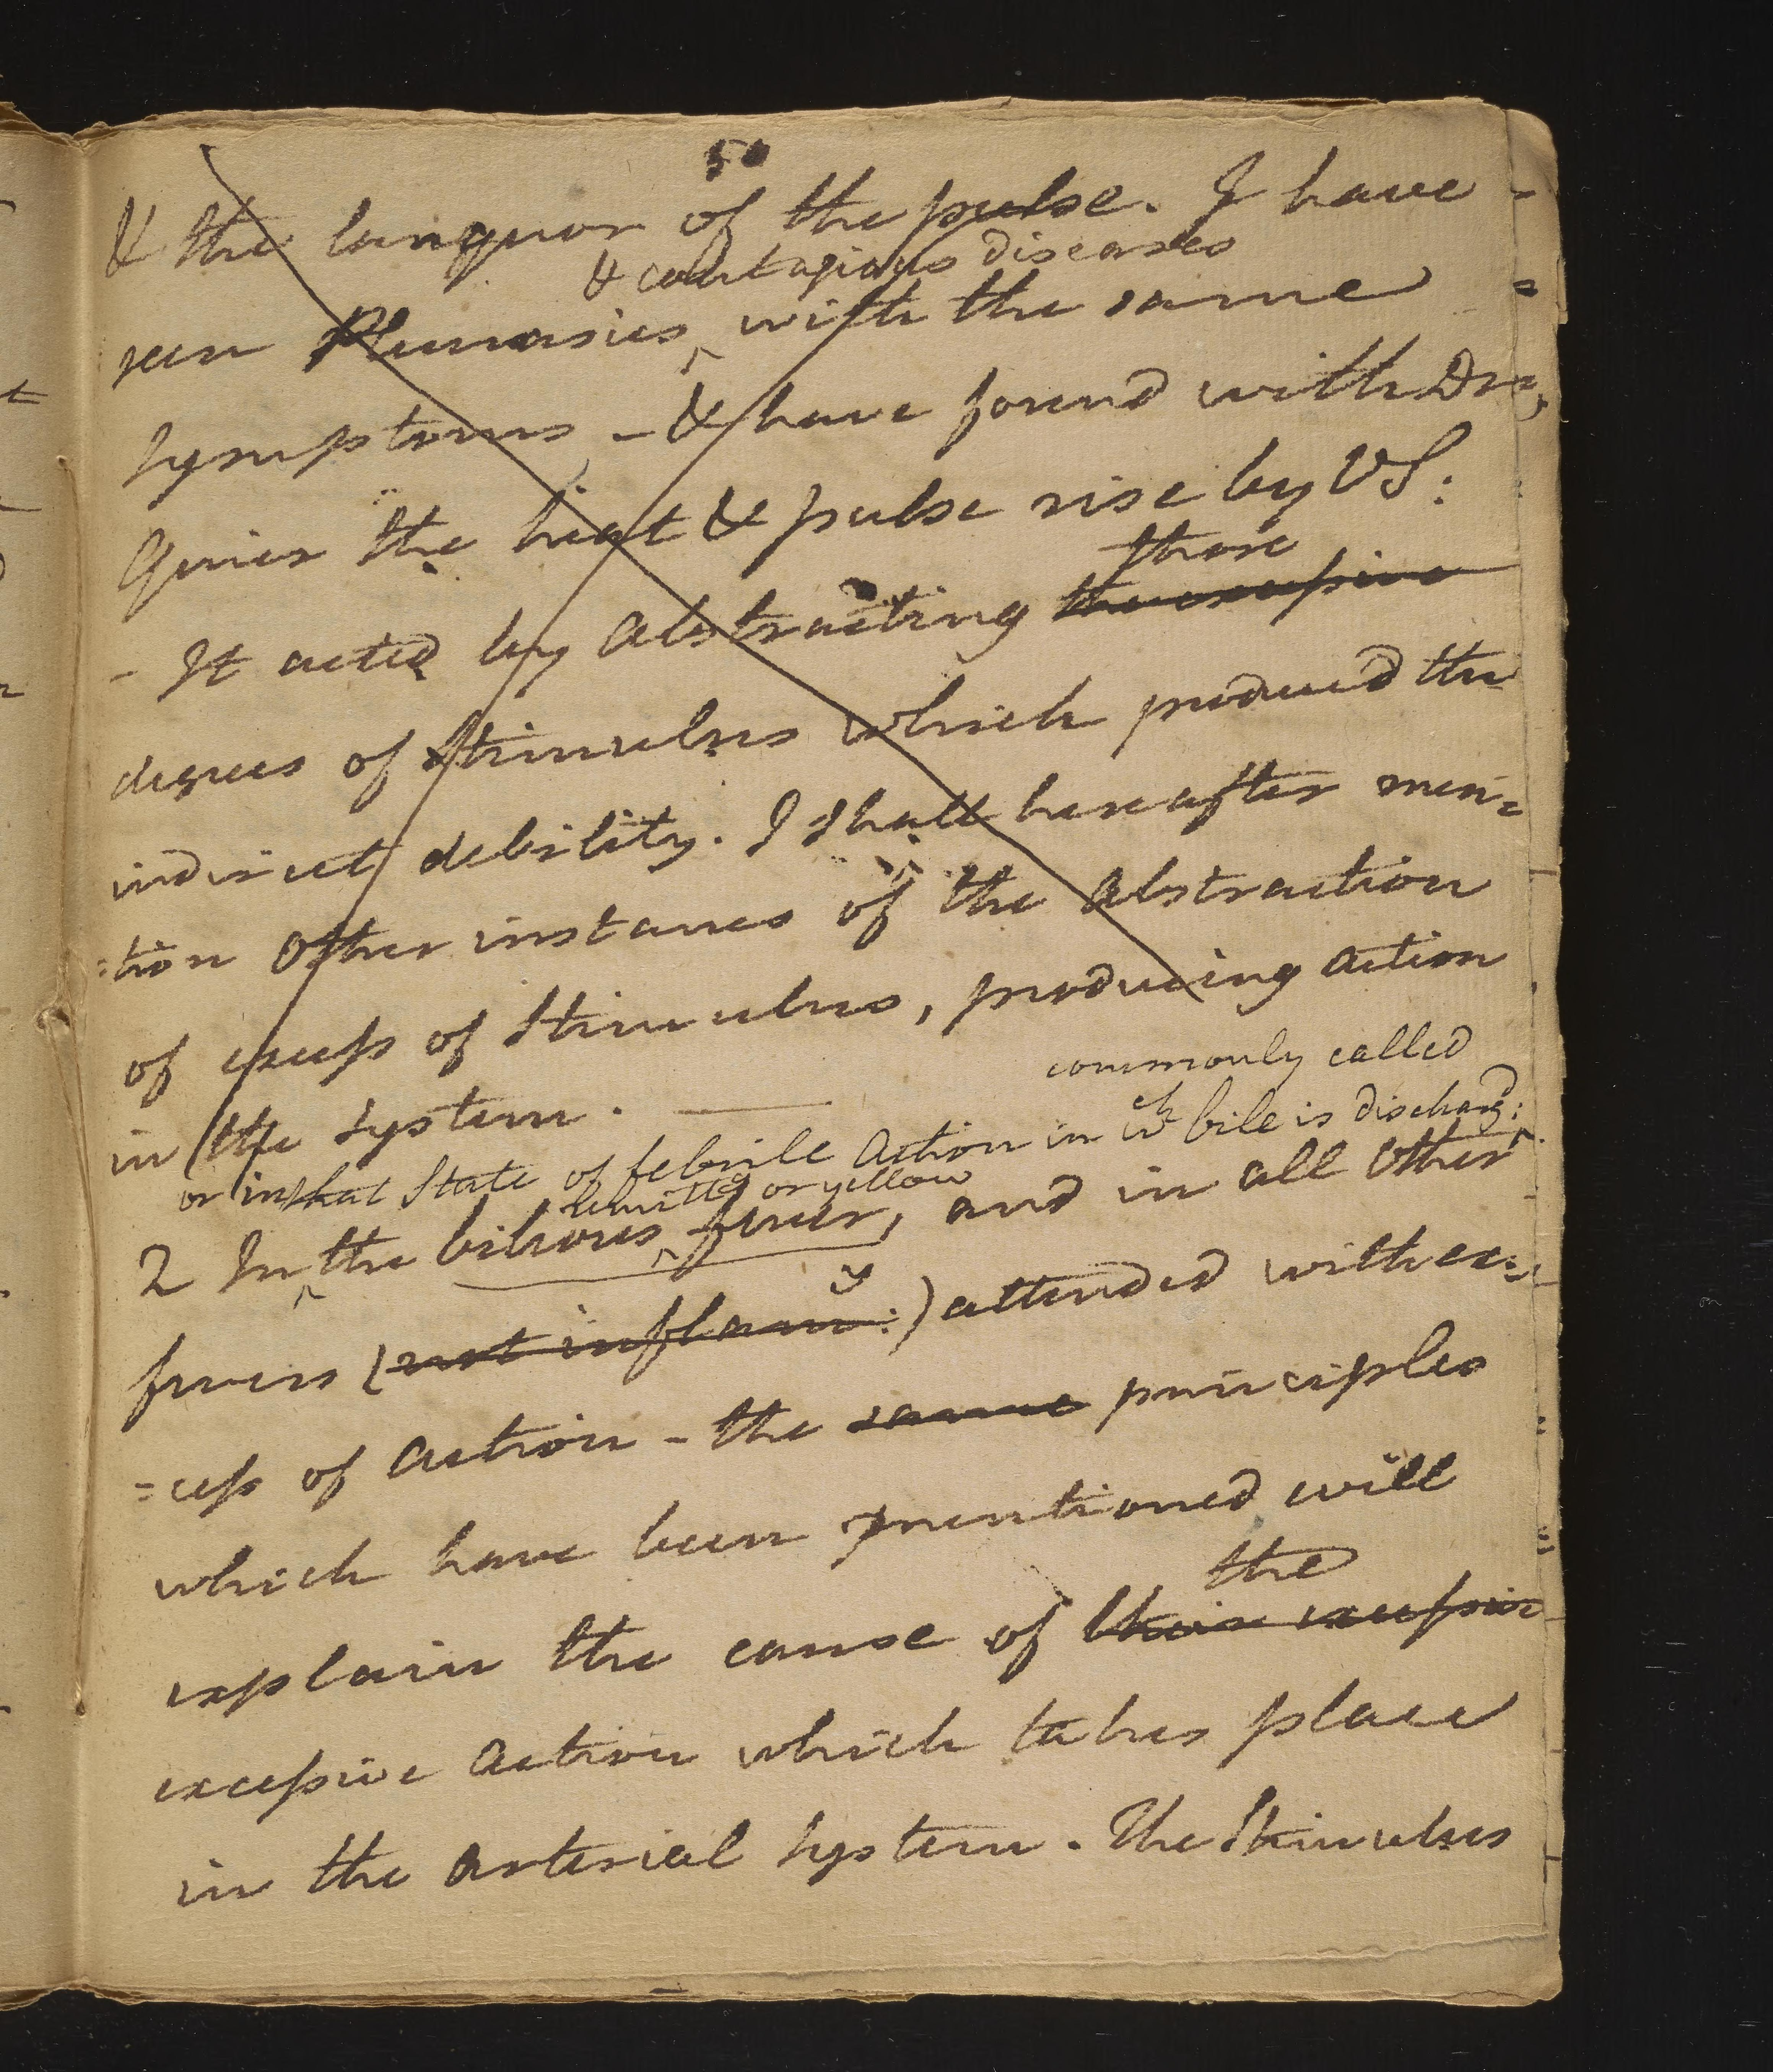50
& the languor of the pulse. I have
& contagious diseases
seen Pleurasies ^ with the same
symptoms, & have found with D^r
Grier the heat & pulse rise by US.
those
It acted by abstracting [the excessive]
degrees of stimulus which produced the
indirect debility. I shall hereafter men-
-tion other instances of the abstraction
of excess of stimulus, producing action
in the System.
commonly called
or in that State of febrile Action in w^ch bile is discharg^d
remitt^g or yellow
2 In ^ the bilious ^ fever, and in all other
fevers ([not inflam^y:]) attended with ex-
-cess of Action, the [same] principles
which have been positioned will
the
explain the cause of [their excessive]
excessive action which takes place
in the arterial system. The stimulus